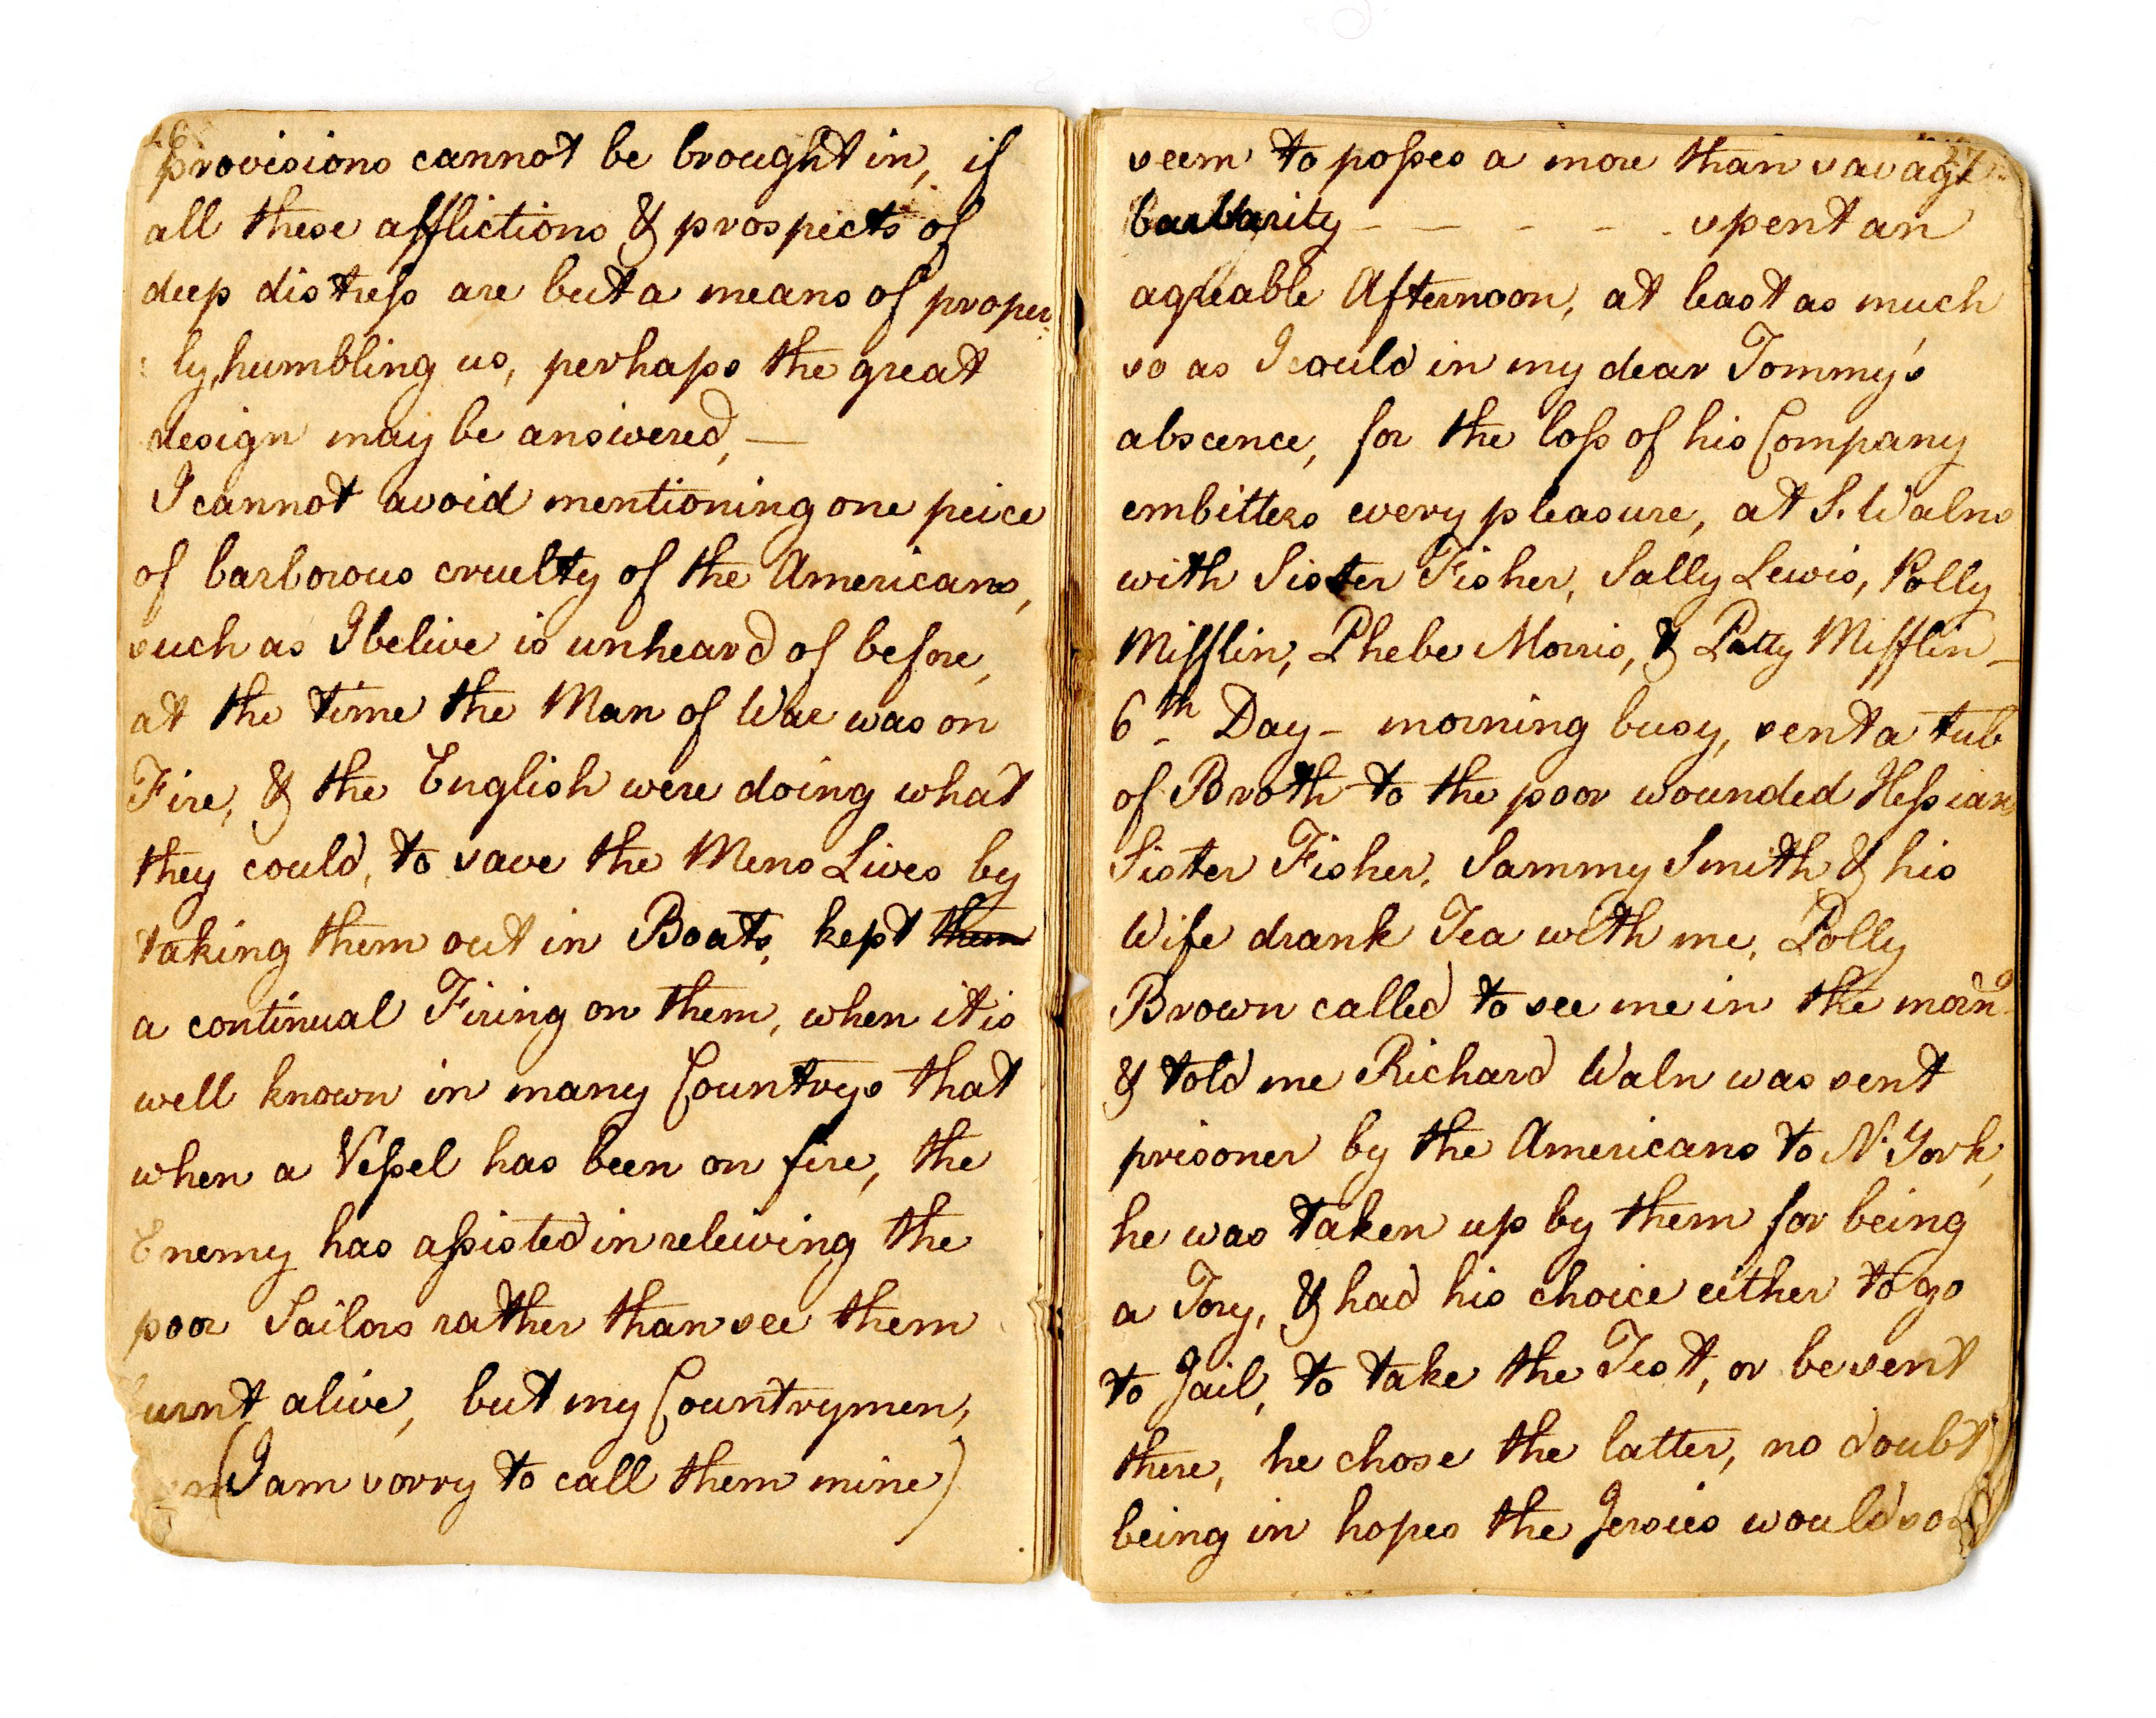26
provisions cannot be brought in, if
all these afflictions & prospects of
deep distress are but a means of proper
-ly humbling us, perhaps the great
design may be answered-
I cannot avoid mentioning one peice
of barborous cruelty of the Americans,
such as I belive is unheard of before,
at the time the Man of War was on
Fire, & the English were doing what
they could to save the Mens Lives by
taking them out in Boats, kept them
a continual Firing on them, when it is
well known in many Countrys that
when a Vessel has been on fire, the
Enemy has assisted in releiving the
poor Sailors rather than see them
burnt alive, but my Countrymen,
(I am sorry to call them mine)
27
seem to posses a more than savage
barbarity---- spent an
agreable Afternoon, at least as much
so as I could in my dear Tommy's
abscence, for the loss of his Company
embitters every pleasure, at S. Walns
with Sister Fisher, Sally Lewis, Polly
Mifflin, Phebe Morris, & Patty Mifflin-
6^th Day- morning busy, sent a tub
of Broth to the poor wounded Hessian
Sister Fisher, Sammy Smith & his
Wife drank Tea with me, Polly
Brown called to see me in the morn^g.
& told me Richard Waln was sent
prisoner by the Americans to N York
he was taken up by them for being
a Tory, & had his choice either to go
to Jail, to take the Test, or be sent
there, he chose the latter, no doubt
being in hopes the Jersies would soo